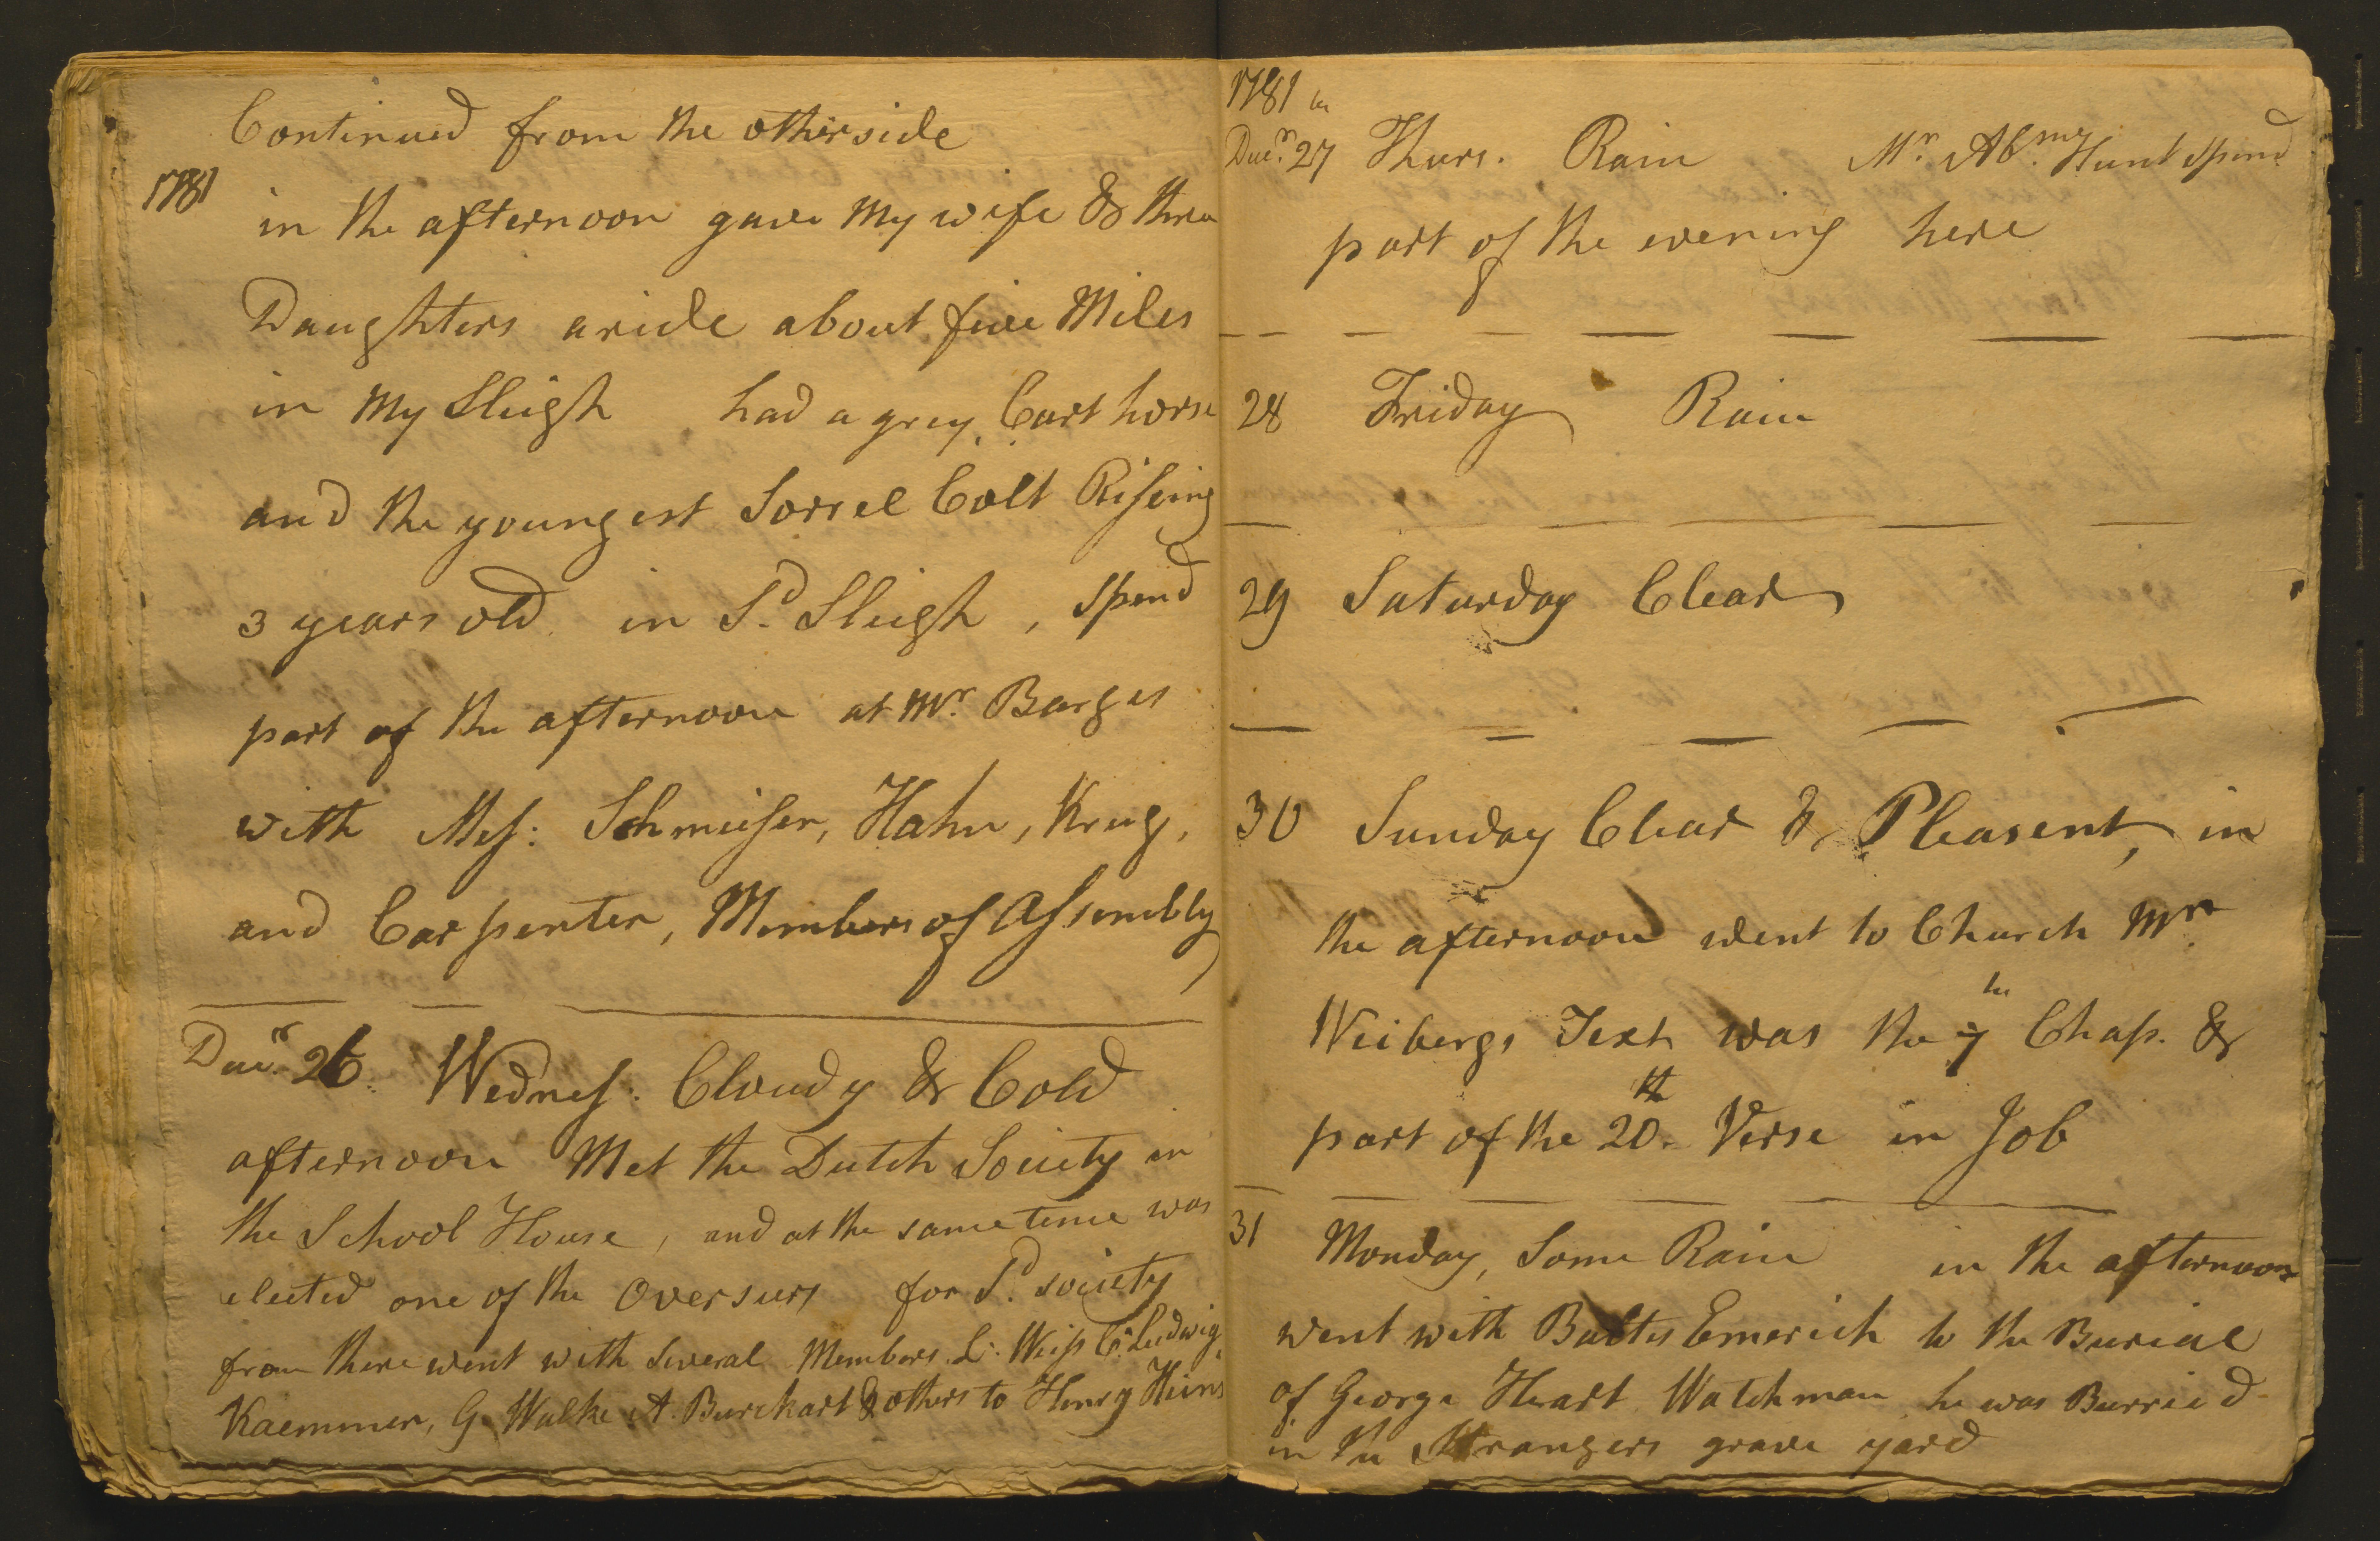Continued from the other side
1781
in the afternoon gave My wife & three
Daughters a ride about five Miles
in My Sleigh had a grey Cart horse
and the youngest Sorrel Colt Riseing
3 years old, in S^d. Sleigh, spend
part of the afternoon at M^r. Barges
with Mes: Schmeiser, Hahn, Krug,
and Carpenter, Members of Assembly
Dec^r. 26. Wednes. Cloudy & Cold
afternoon Met the Dutch Society in
the School House, and at the same time was
elected one of the overseers for s^d. society
from there went with Several Members L. Weiss C Ludwig
Kaemmer, G. Walke A. Burckart 3 others to Henry Heins
1781
Dec^r. 27 Thurs. Rain M^r. Ab^m. Hunt spend
part of the evening here
28 Freiday Rain
29 Saturday Clear
30 Sunday Clear & Pleasent in
the afternoon went to Church M^r.
Weibergs Text was the 7^th Chap. &
part of the 20^th. Verse in Job
31 Monday, Some Rain in the afternoon
went with Baltes Emerich to the Burial
of George Heart Watchman he was Burried
in the strangers grave yard